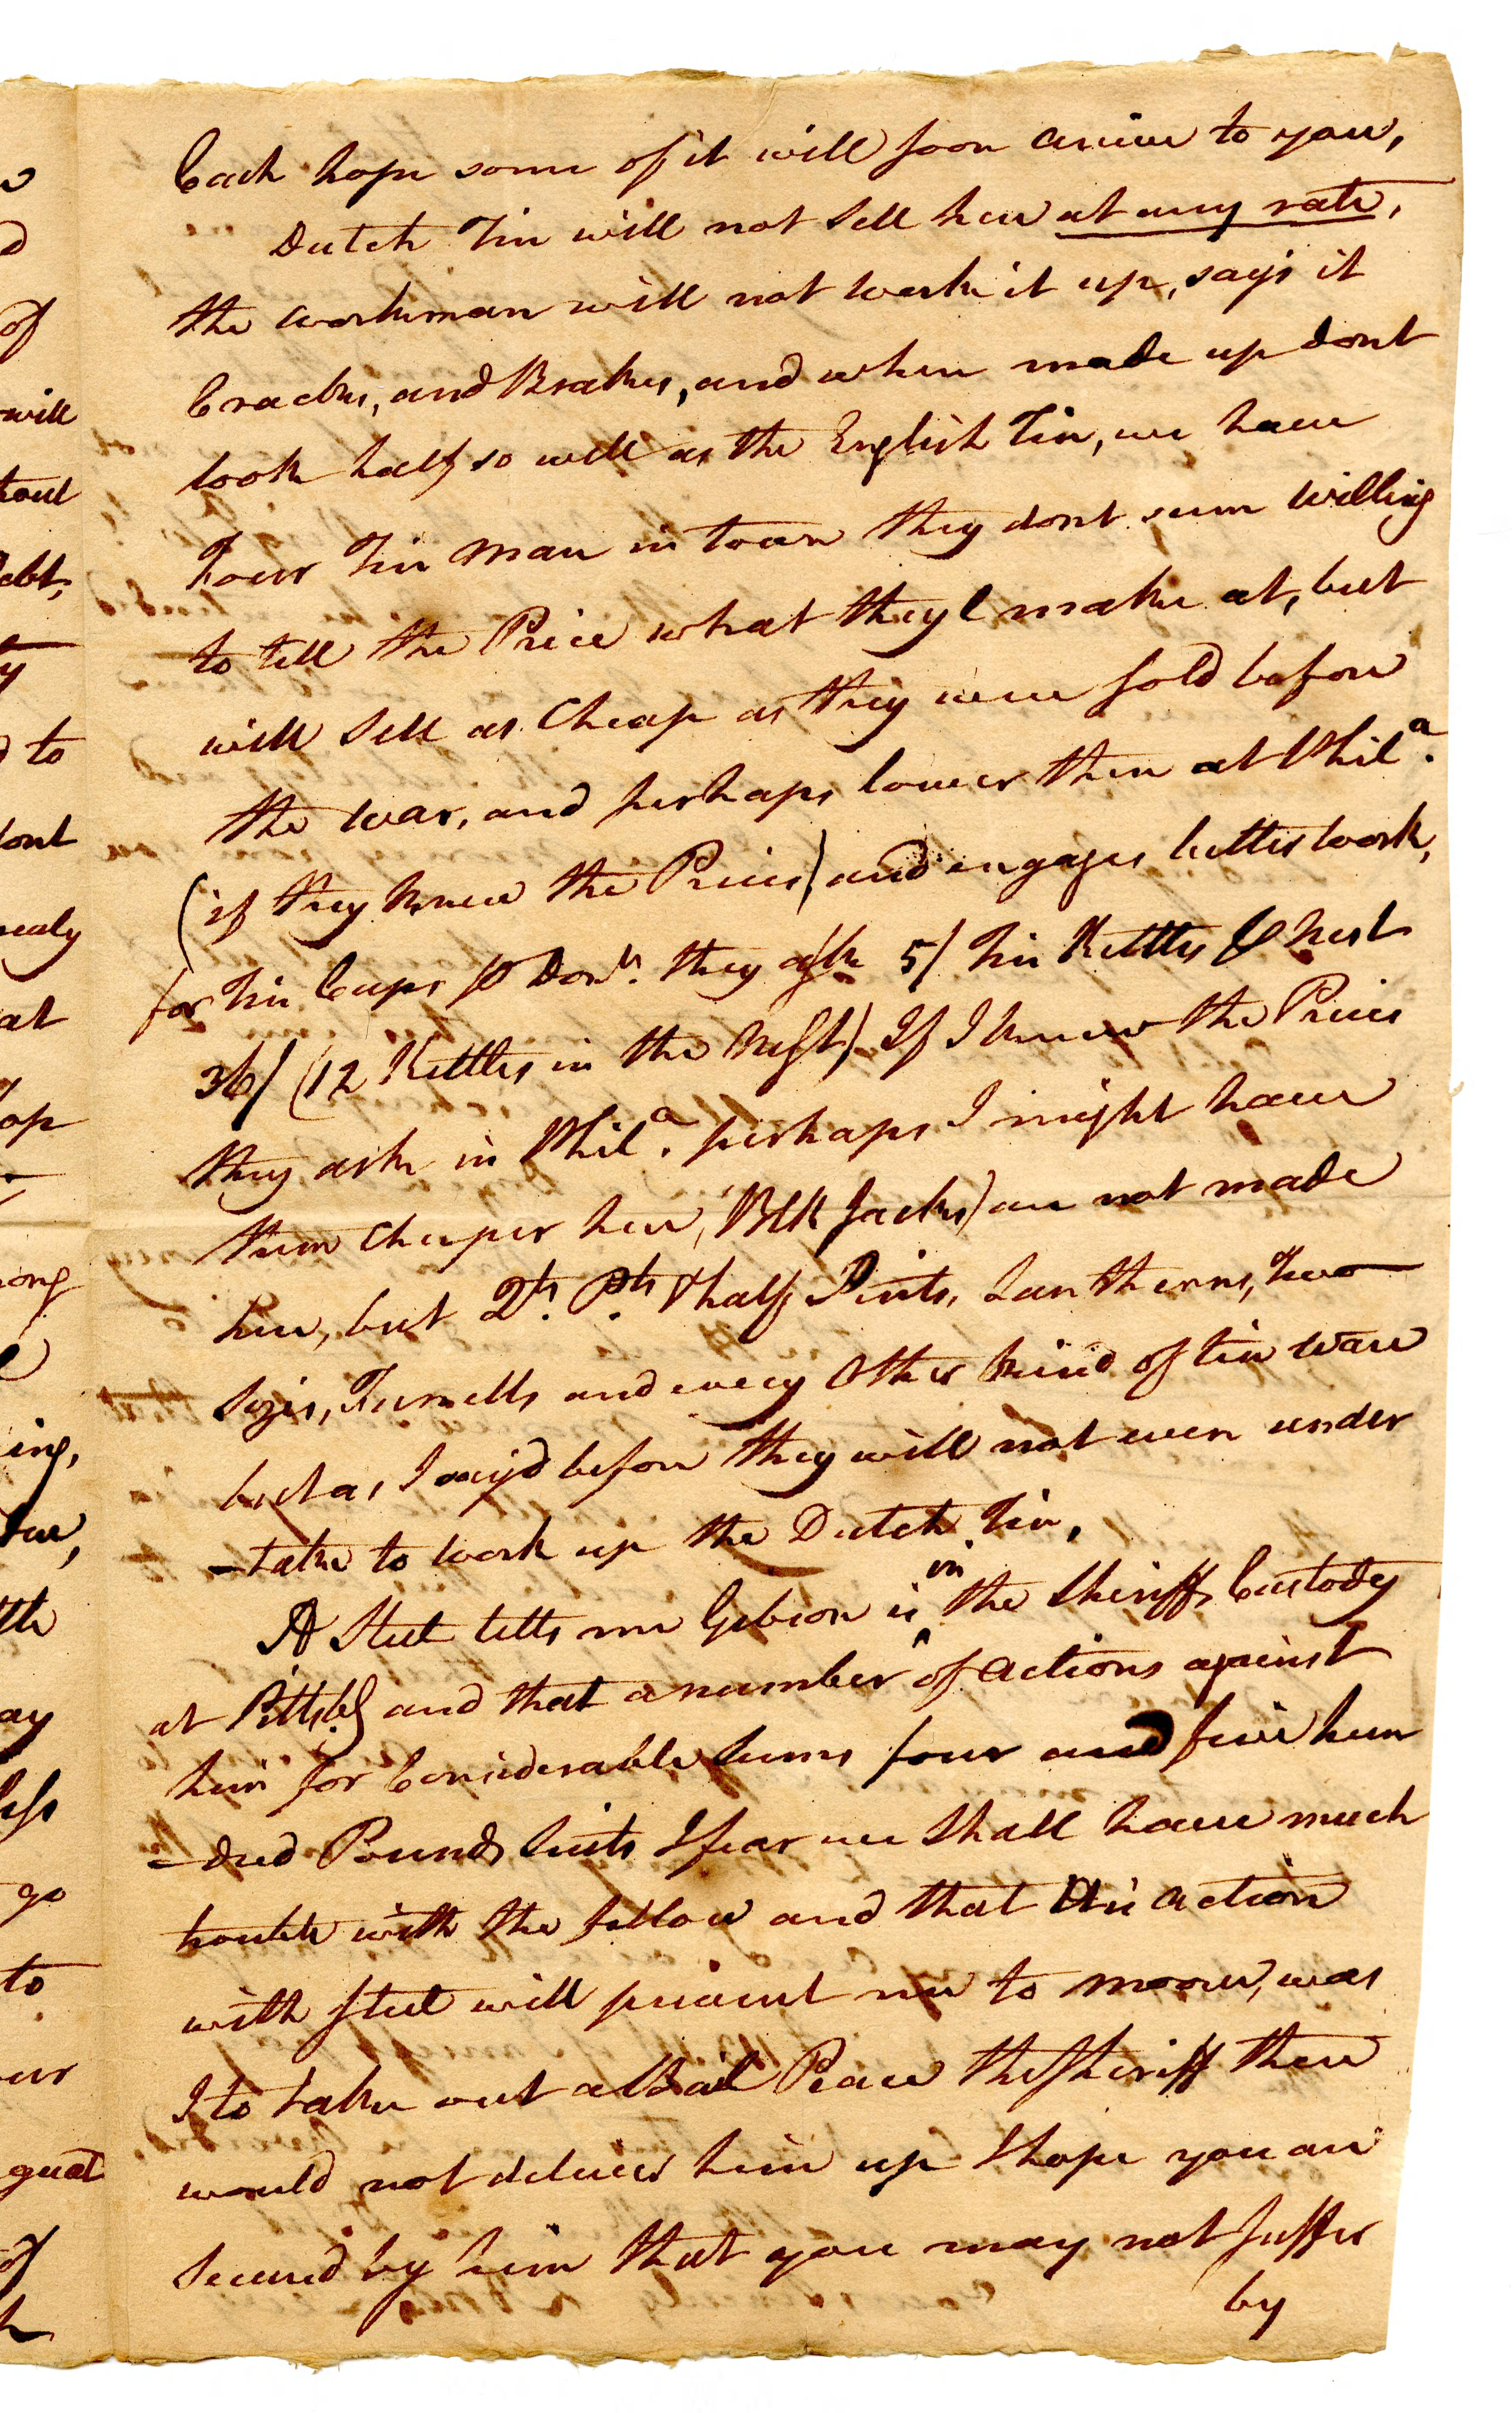Cash hope some of it will soon arrive to you,
Dutch Tin will not sell here at any rate,
the workman will not work it up, say's it
Crackes, and Brakes, and when made up dont
took half so well as the English Tin, we have
Four Tin man in town they dont seem willing
to tell the Price what theyl make at, but
will sell as Cheap as they were sold before
the war, and perhaps lower then at Phil^a
(if they knew the Prices) and engages better work,
for his Cups per Don^l. they offer 5s his Kettles & rest
46s (12 Kettles in the nest). If I knew the Prices
they ask in Phil^a perhaps I might have
them Cheaper here [___] Jack) are not made
there, but 2^t. ph. per half Pints, Lanterns, two
Sizes, Funells and every Other kind of tin ware
but as I aqu'd before they will not seen under-
-take to work up the Dutch Tin,
in
A stul tells me Gibson is ^ the sheriffs, Custody
at Pittsb^g and that a number of Actions against
him for Considerable sums four and five hun-
-dred Pounds suits I fear we shall have much
trouble with the fellow and that this Action
with stul will present me to morrow, was
& to take out a Bail Peace the sheriff there
would not deliverd him up I hope you are
secured by him that you may not suffer
by